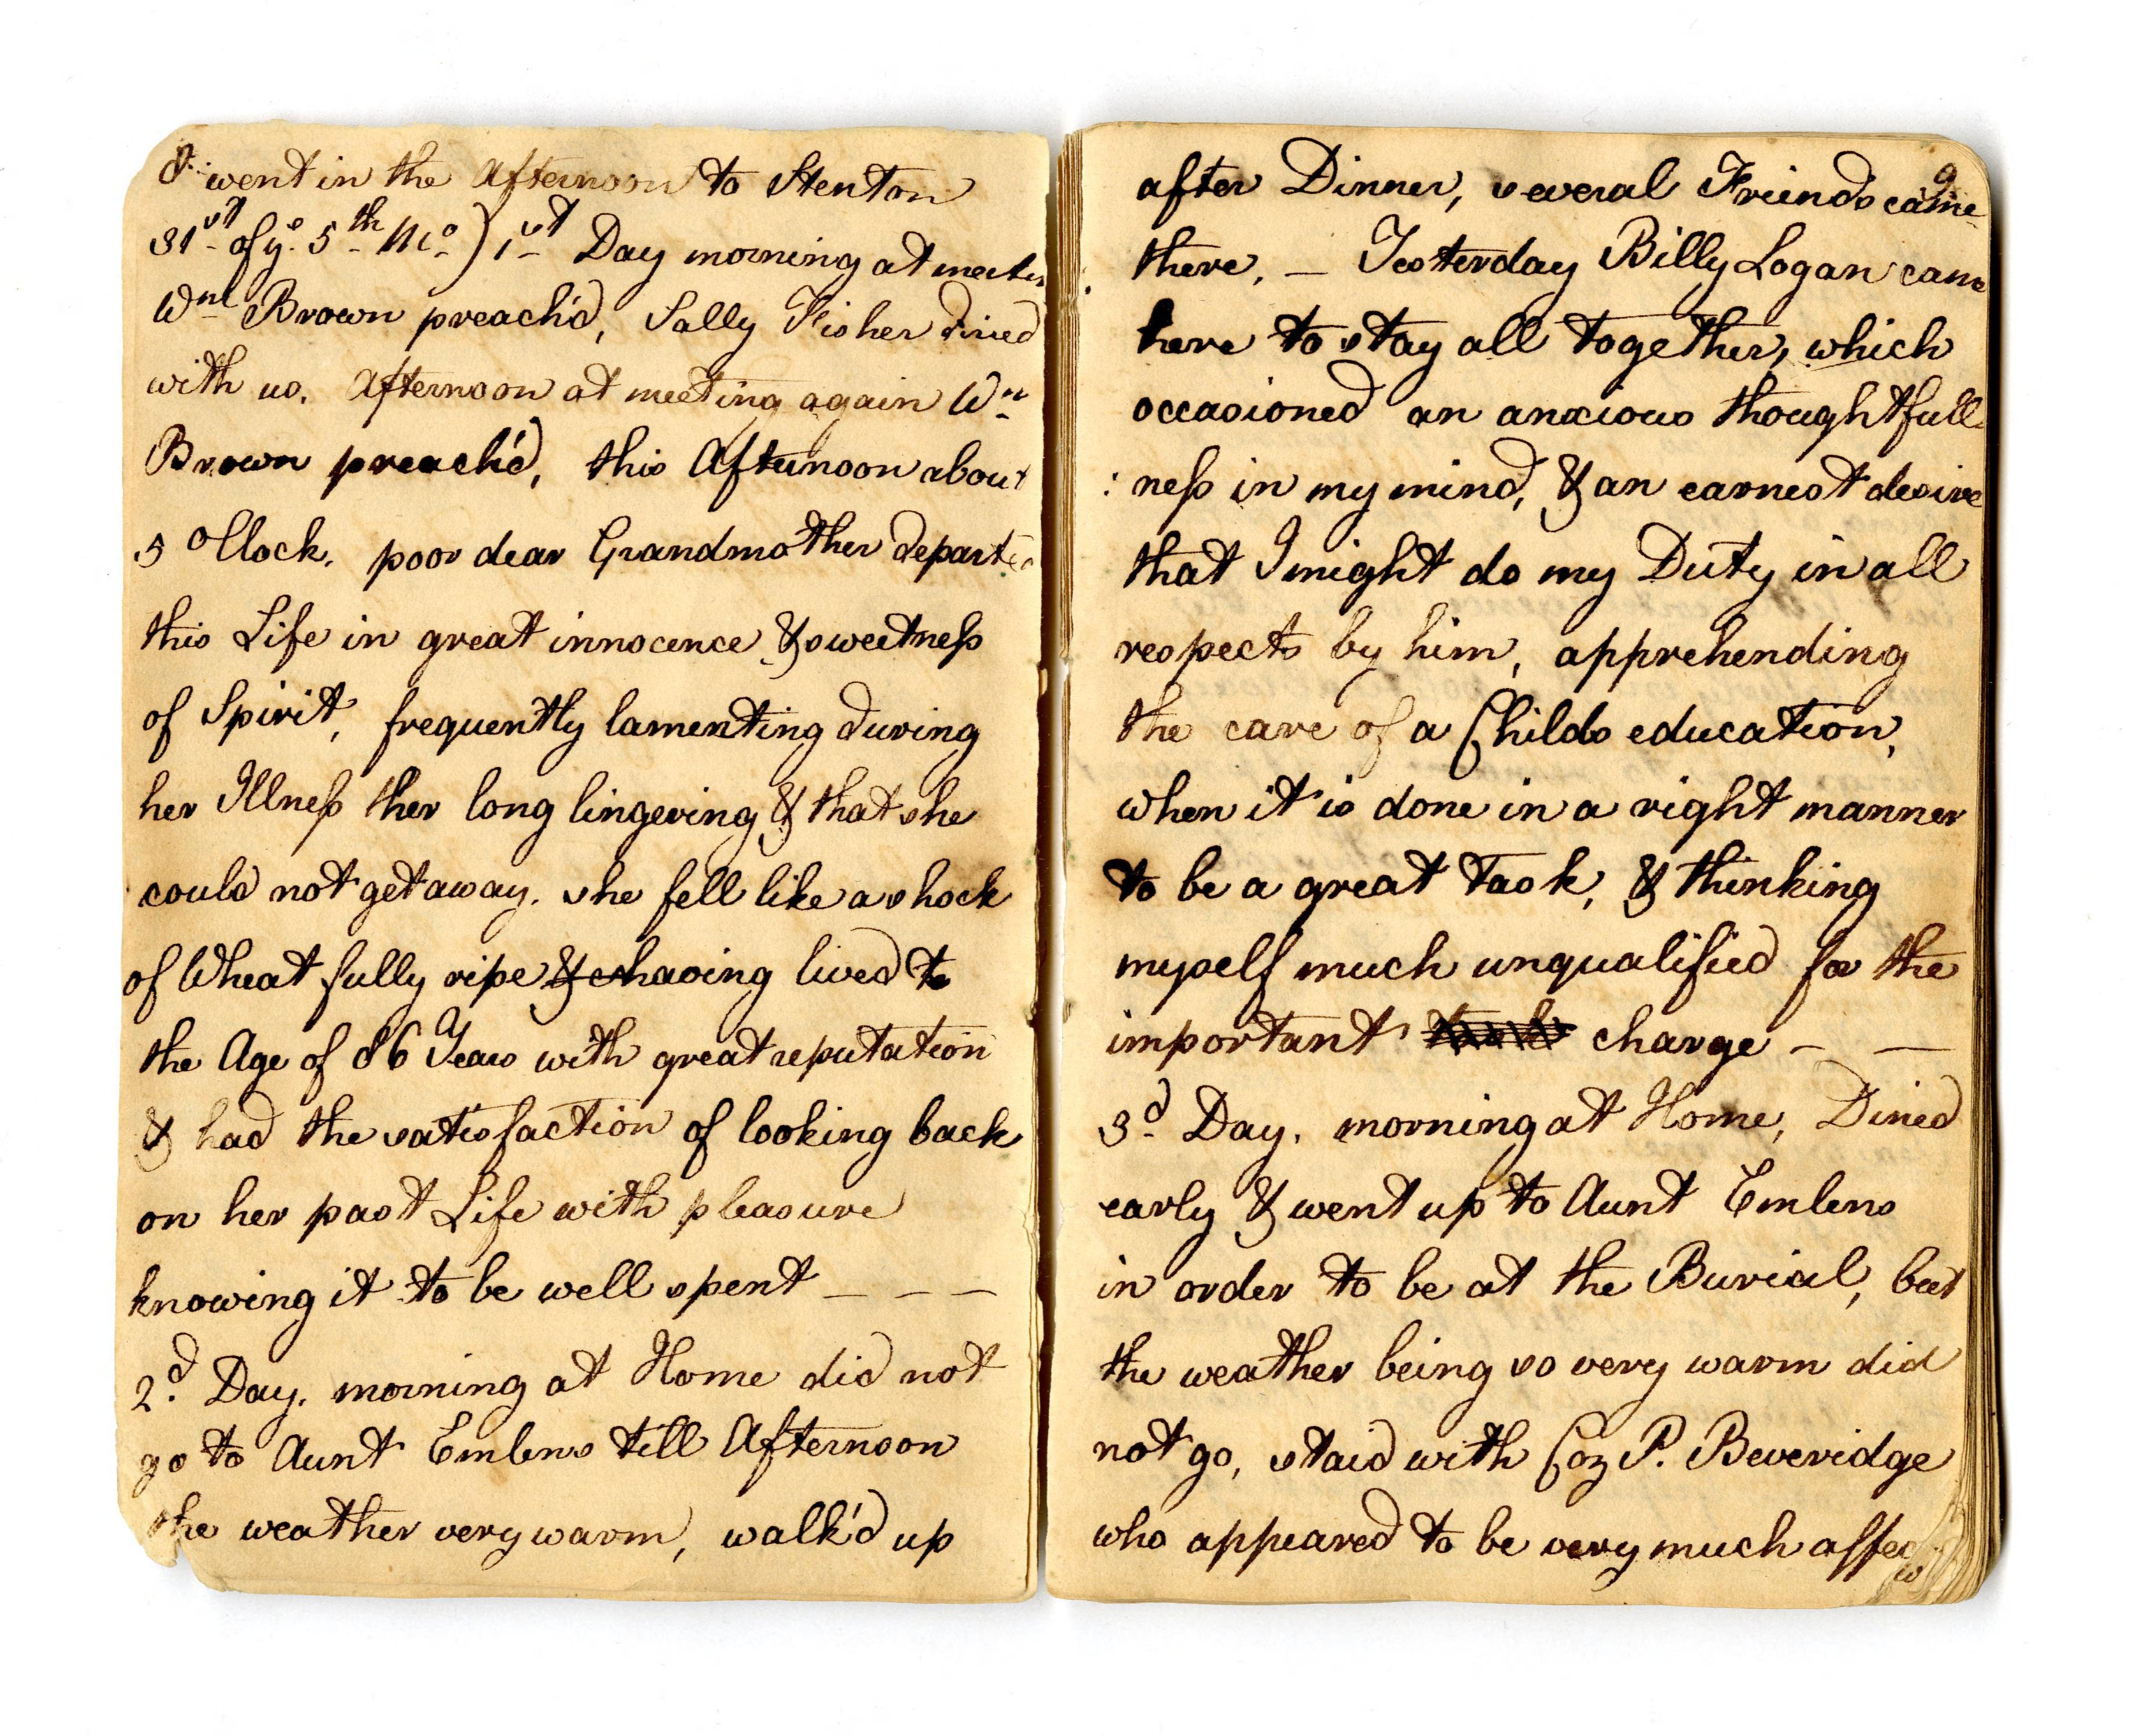8 went in the Afternoon to Stenton
31^st of y^e 5^th M^o ) 1^st Day morning at meeti
W^m Brown preach'd, Sally Fisher dined
with us. Afternoon at meeting again W^m.
Brown preach'd, this Afternoon about
5 ^oClock, poor dear Grandmother departed
this Life in great innocence & sweetness
of Spirit, frequently lamenting during
her Illness ther long lingering & that she
could not get away, she fell a shock
of Wheat fully ripe [_] chasing lived to
the Age of 86 Years with great reputation
& had the satisfaction of looking back
on her past Life with pleasure
knowing it to be well spent-
2^d. Day. morning at Home did not
go to Aunt Emlens till Afternoon
the weather very warm, walk'd up
9
after Dinner, several Friends came
there, - Yesterday Billy Logan came
here to stay all together, which
occasioned an anxious thoughtfull
-ness in my mind, & an earnest desire
that I might do my Duty in all
respects by him, apprehending
the care of a Childs education,
when it is done in a right manner
to be a great task, & thinking
myself much unqualified for the
important [____] charge--
3^d. Day. morning at Home, Dined
early & went up to Aunt Emlens
in order to be at the Burial, but
the weather being so very warm did
not go, staid with Coz P. Beveridge
who appeared to be very much affec